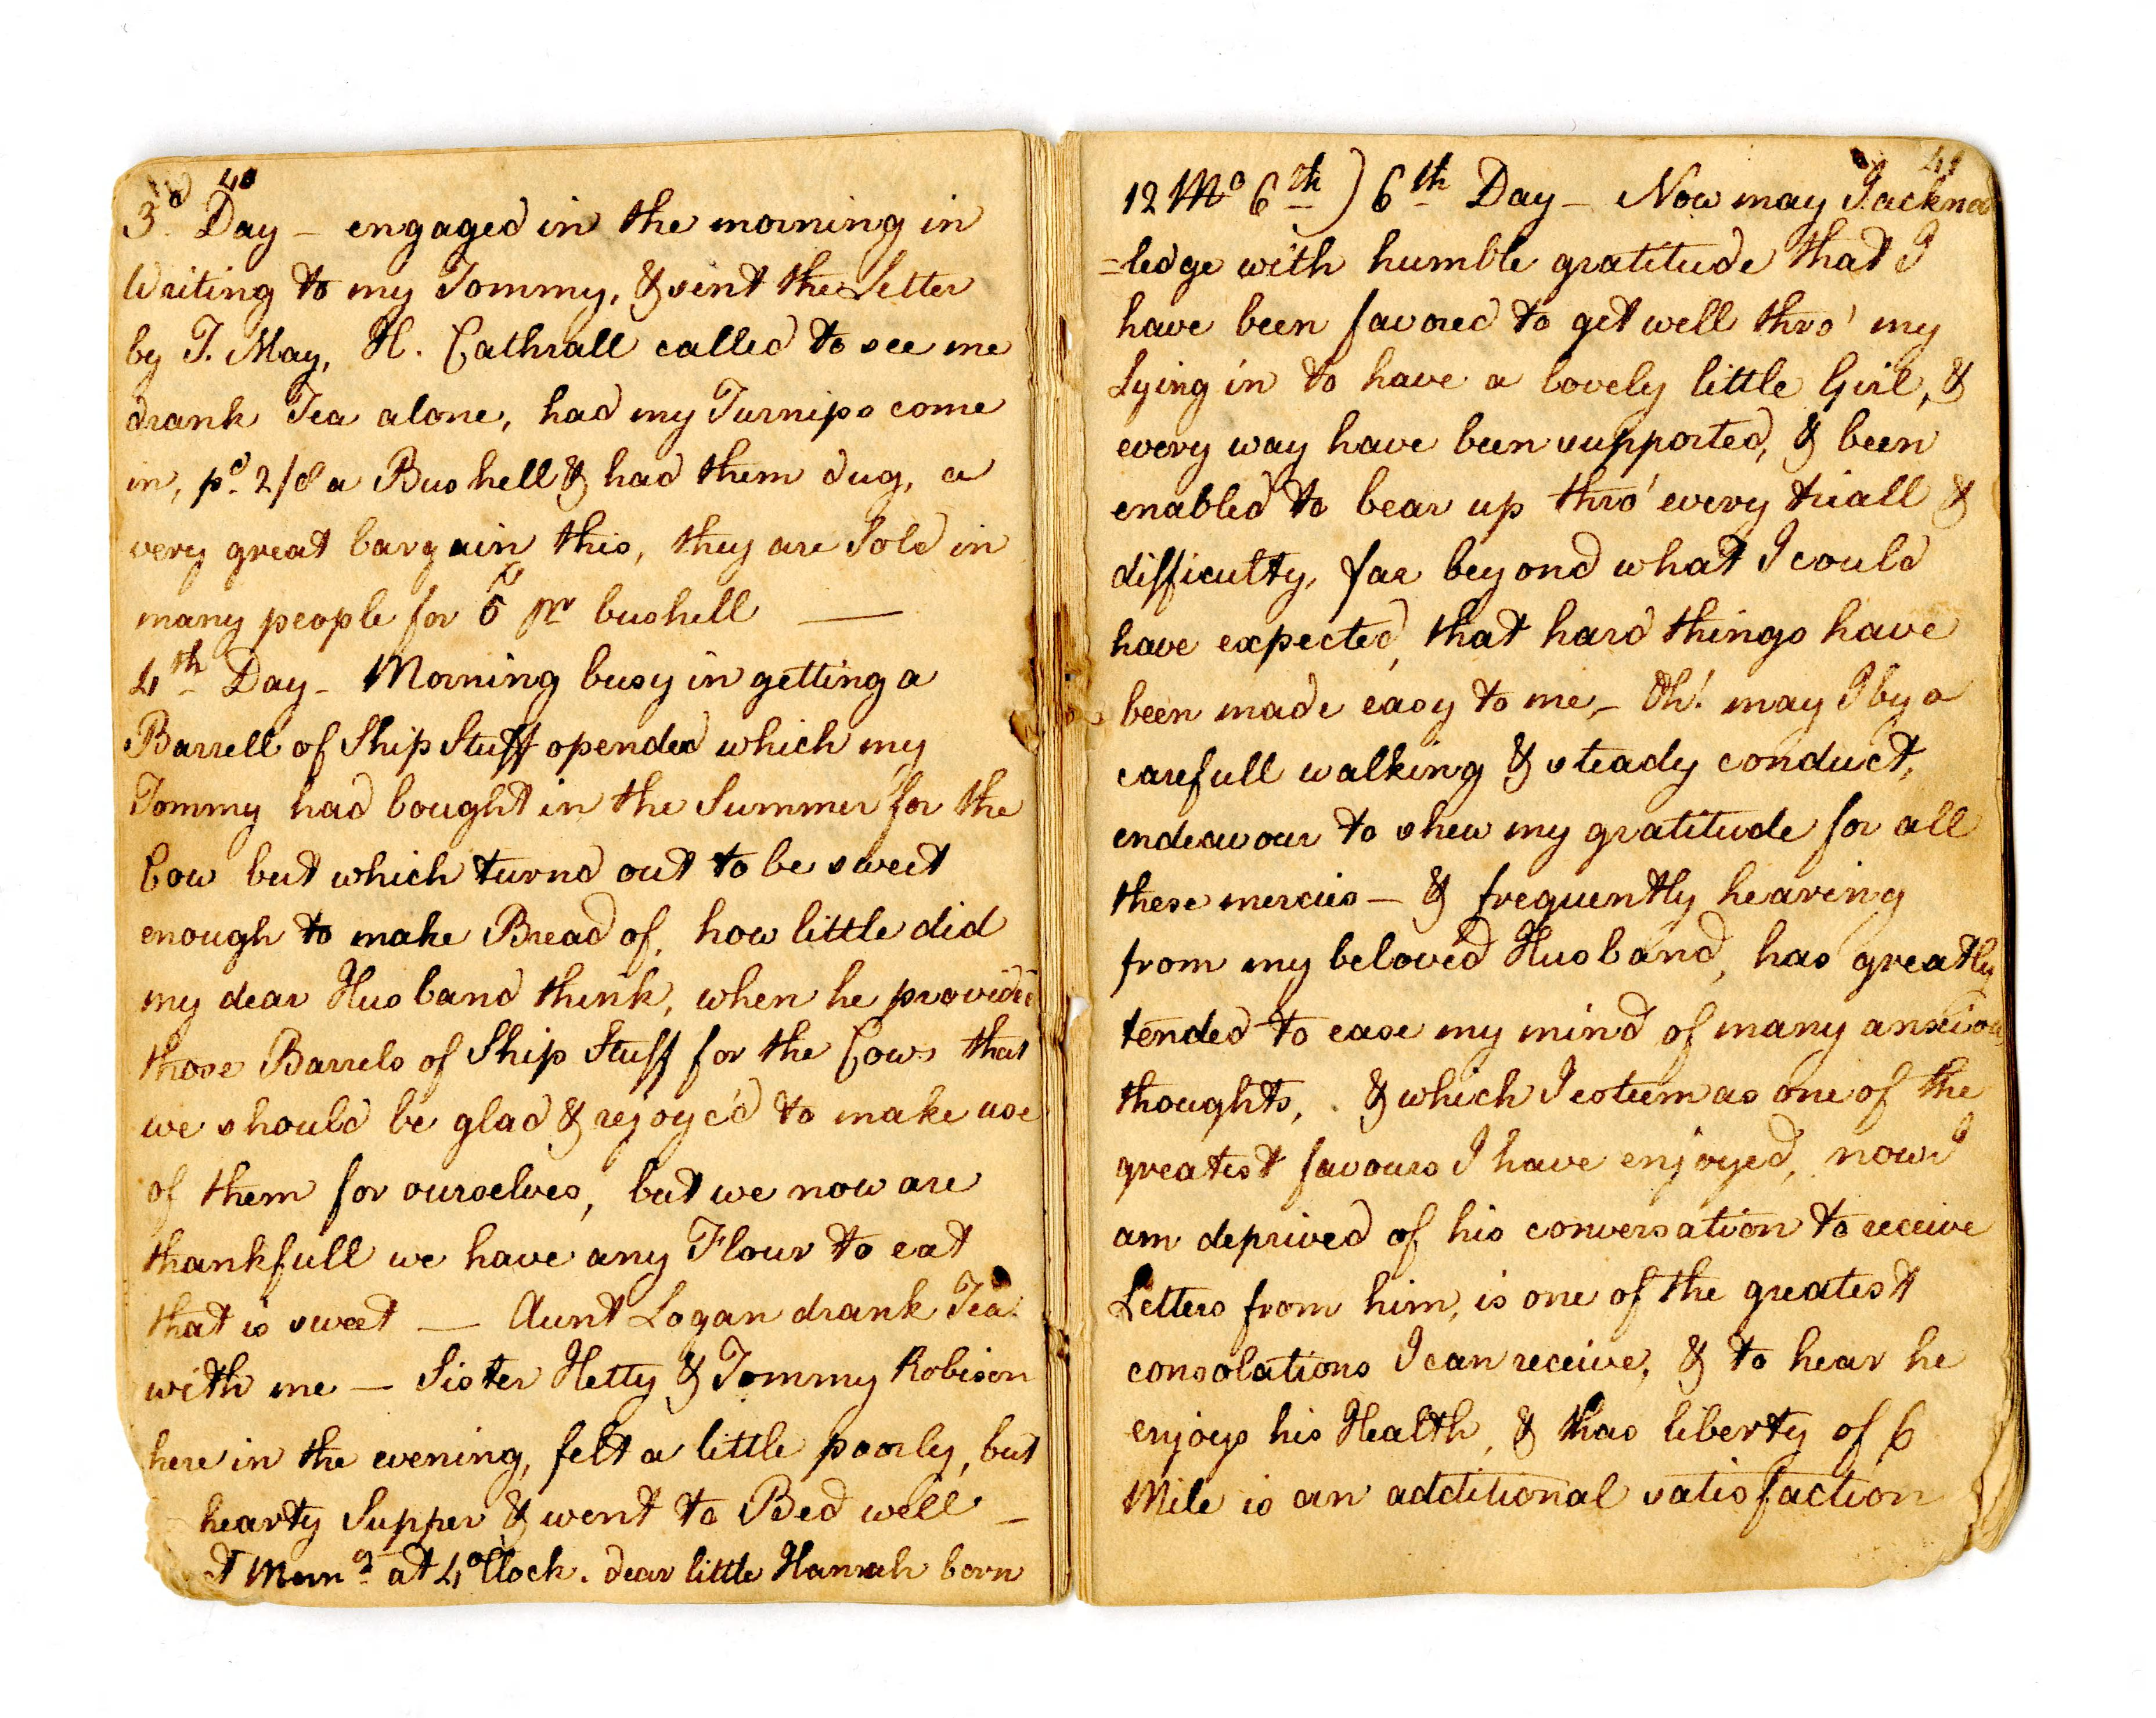40
3^d Day- engaged in the morning in
Writing to my Tommy, & sent the Letter
by T. May, H. Cathrall called to see me
drank Tea alone, had my Turnips come
in, p^e. 2s8 a Bushell & had them dug, a
very great bargain this, they are Sold in
many people for 5 per bushell-
4^th Day- Morning busy in getting a
Barrell of Ship Stuff opended which my
Tommy had bought in the Summer for the
Cow but which turnd out to be sweet
enough to make Bread of, how little did
my dear Husband think, when he provided
those Barrels of Ship Stuff for the Cows that
we should be glad & rejoyc'd to make use
of them for ourselves, but we now are
thankfull we have any Flour to eat
that is sweet- Aunt Logan drank Tea
with me- Sister Hetty & Tommy Robison
here in the evening, felt a little poorly but
hearty Supper & went to Bed well-
Morn^g. at 4 ^o Clock. dear little Hannah born
41
12 M^o 6^th) 6^th Day- Now may I ackno
-ledge with humble gratitude that I
have been favored to get well thro' my
Lying in to have a lovely little Girl, &
every way have been supported, & been
enabled to bear up thro' every triall &
difficulty, far beyond what I could
have expected that hard things have
-been made easy to me- Oh! may I by a
carefull walking & steady conduct,
endeavour to shew my gratitude for all
there mercies- & frequently hearing
from my beloved Husband, has greatly
tended to ease my mind of many anxiou
thoughts, & which I esteem as one of the
greatest favours I have enjoyed, now[n]
am deprived of his conversation to receive
Letters from him, is one of the greatest
consolations I can receive, & to hear he
enjoys his Health & has liberty of 6
Mile is an additional satisfaction